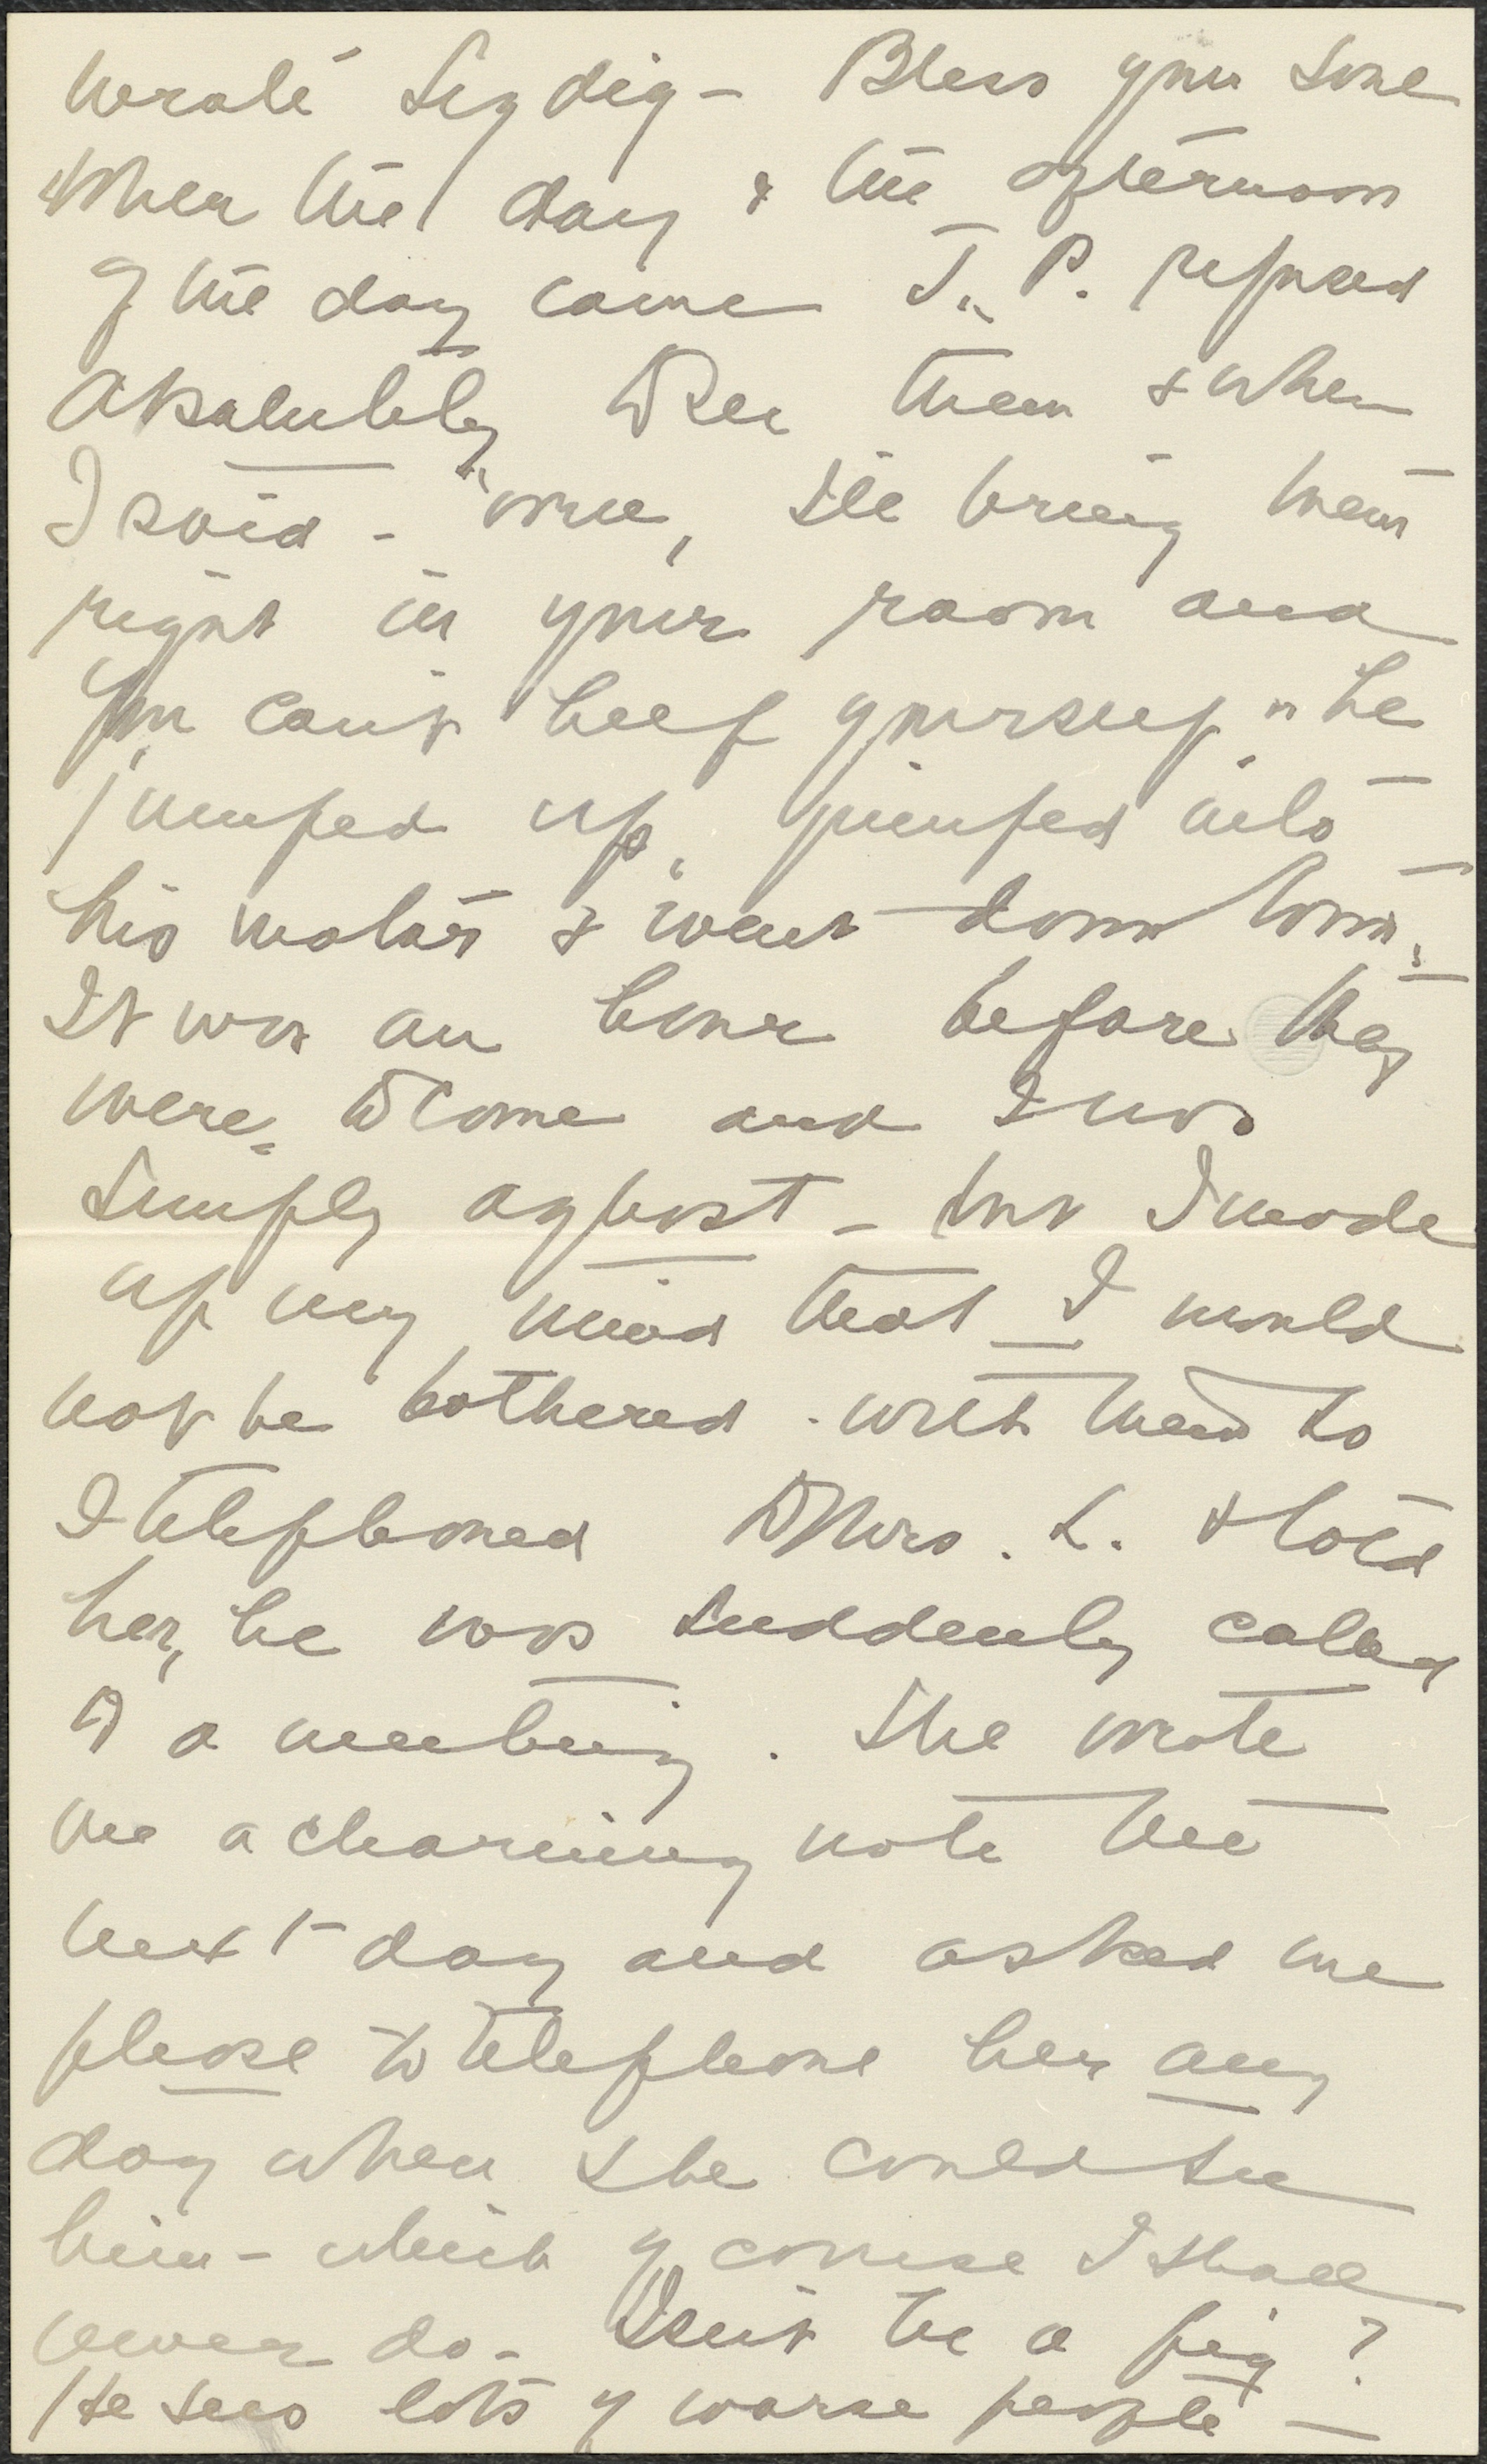wrote Lydig – Bless your soul when the day & the afternoon of the day came J. P. refused absolutely to see them & when I said – “well, I’ll bring them right in your room and you can’t help yourself” he jumped up, jumped into his motor & went downtown. It was an hour before they were to come and I was simply aghast – but I made up my mind that I would not be bothered with them so I telephoned to Mrs. L. & told her, he was suddenly called to a meeting. She wrote me a charming note the next day and asked me please to telephone her any day when she could see him – which of course I shall never do – Isn’t he a pig? He sees lots of worse people –